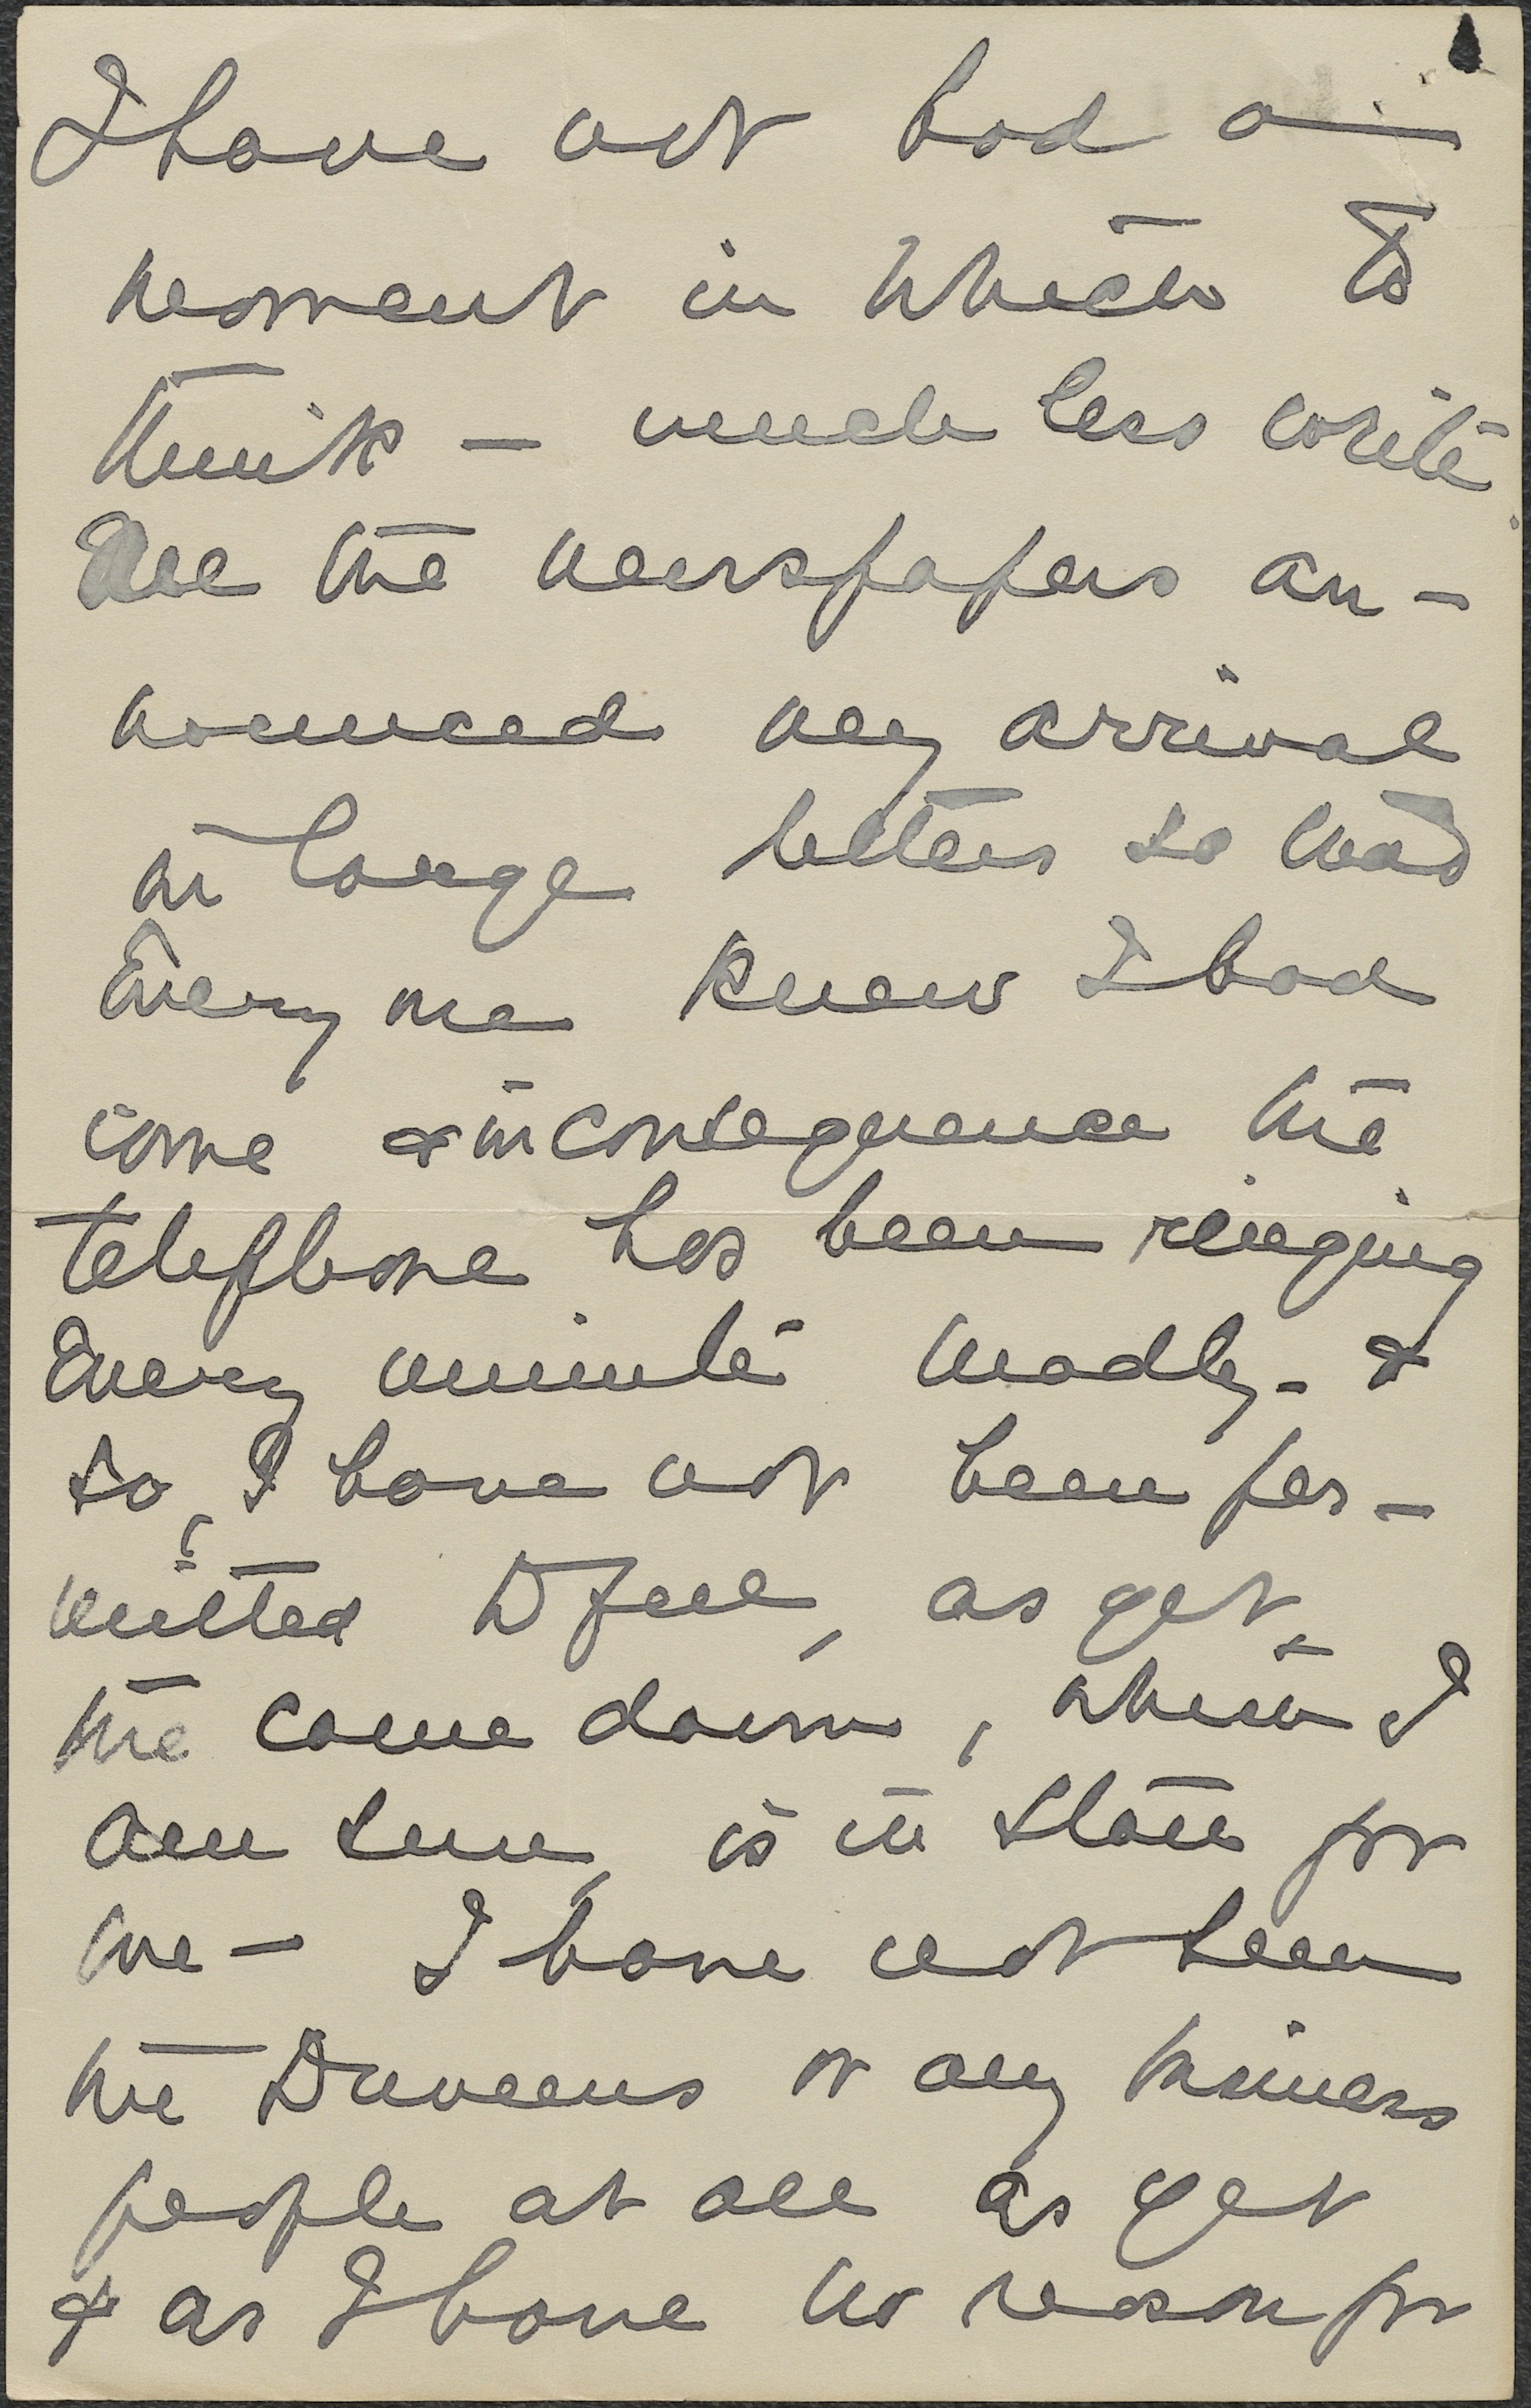I have not had a moment in which to think – much less write. All the newspapers announced my arrival in large letters so that Every one knew I had come & in consequence the telephone has been ringing every minute madly – & so I have not been permitted to feel, as yet, the come down, which I am sure is in store for me – I have not seen the Duveens or any business people at all as yet & as I have no reason for